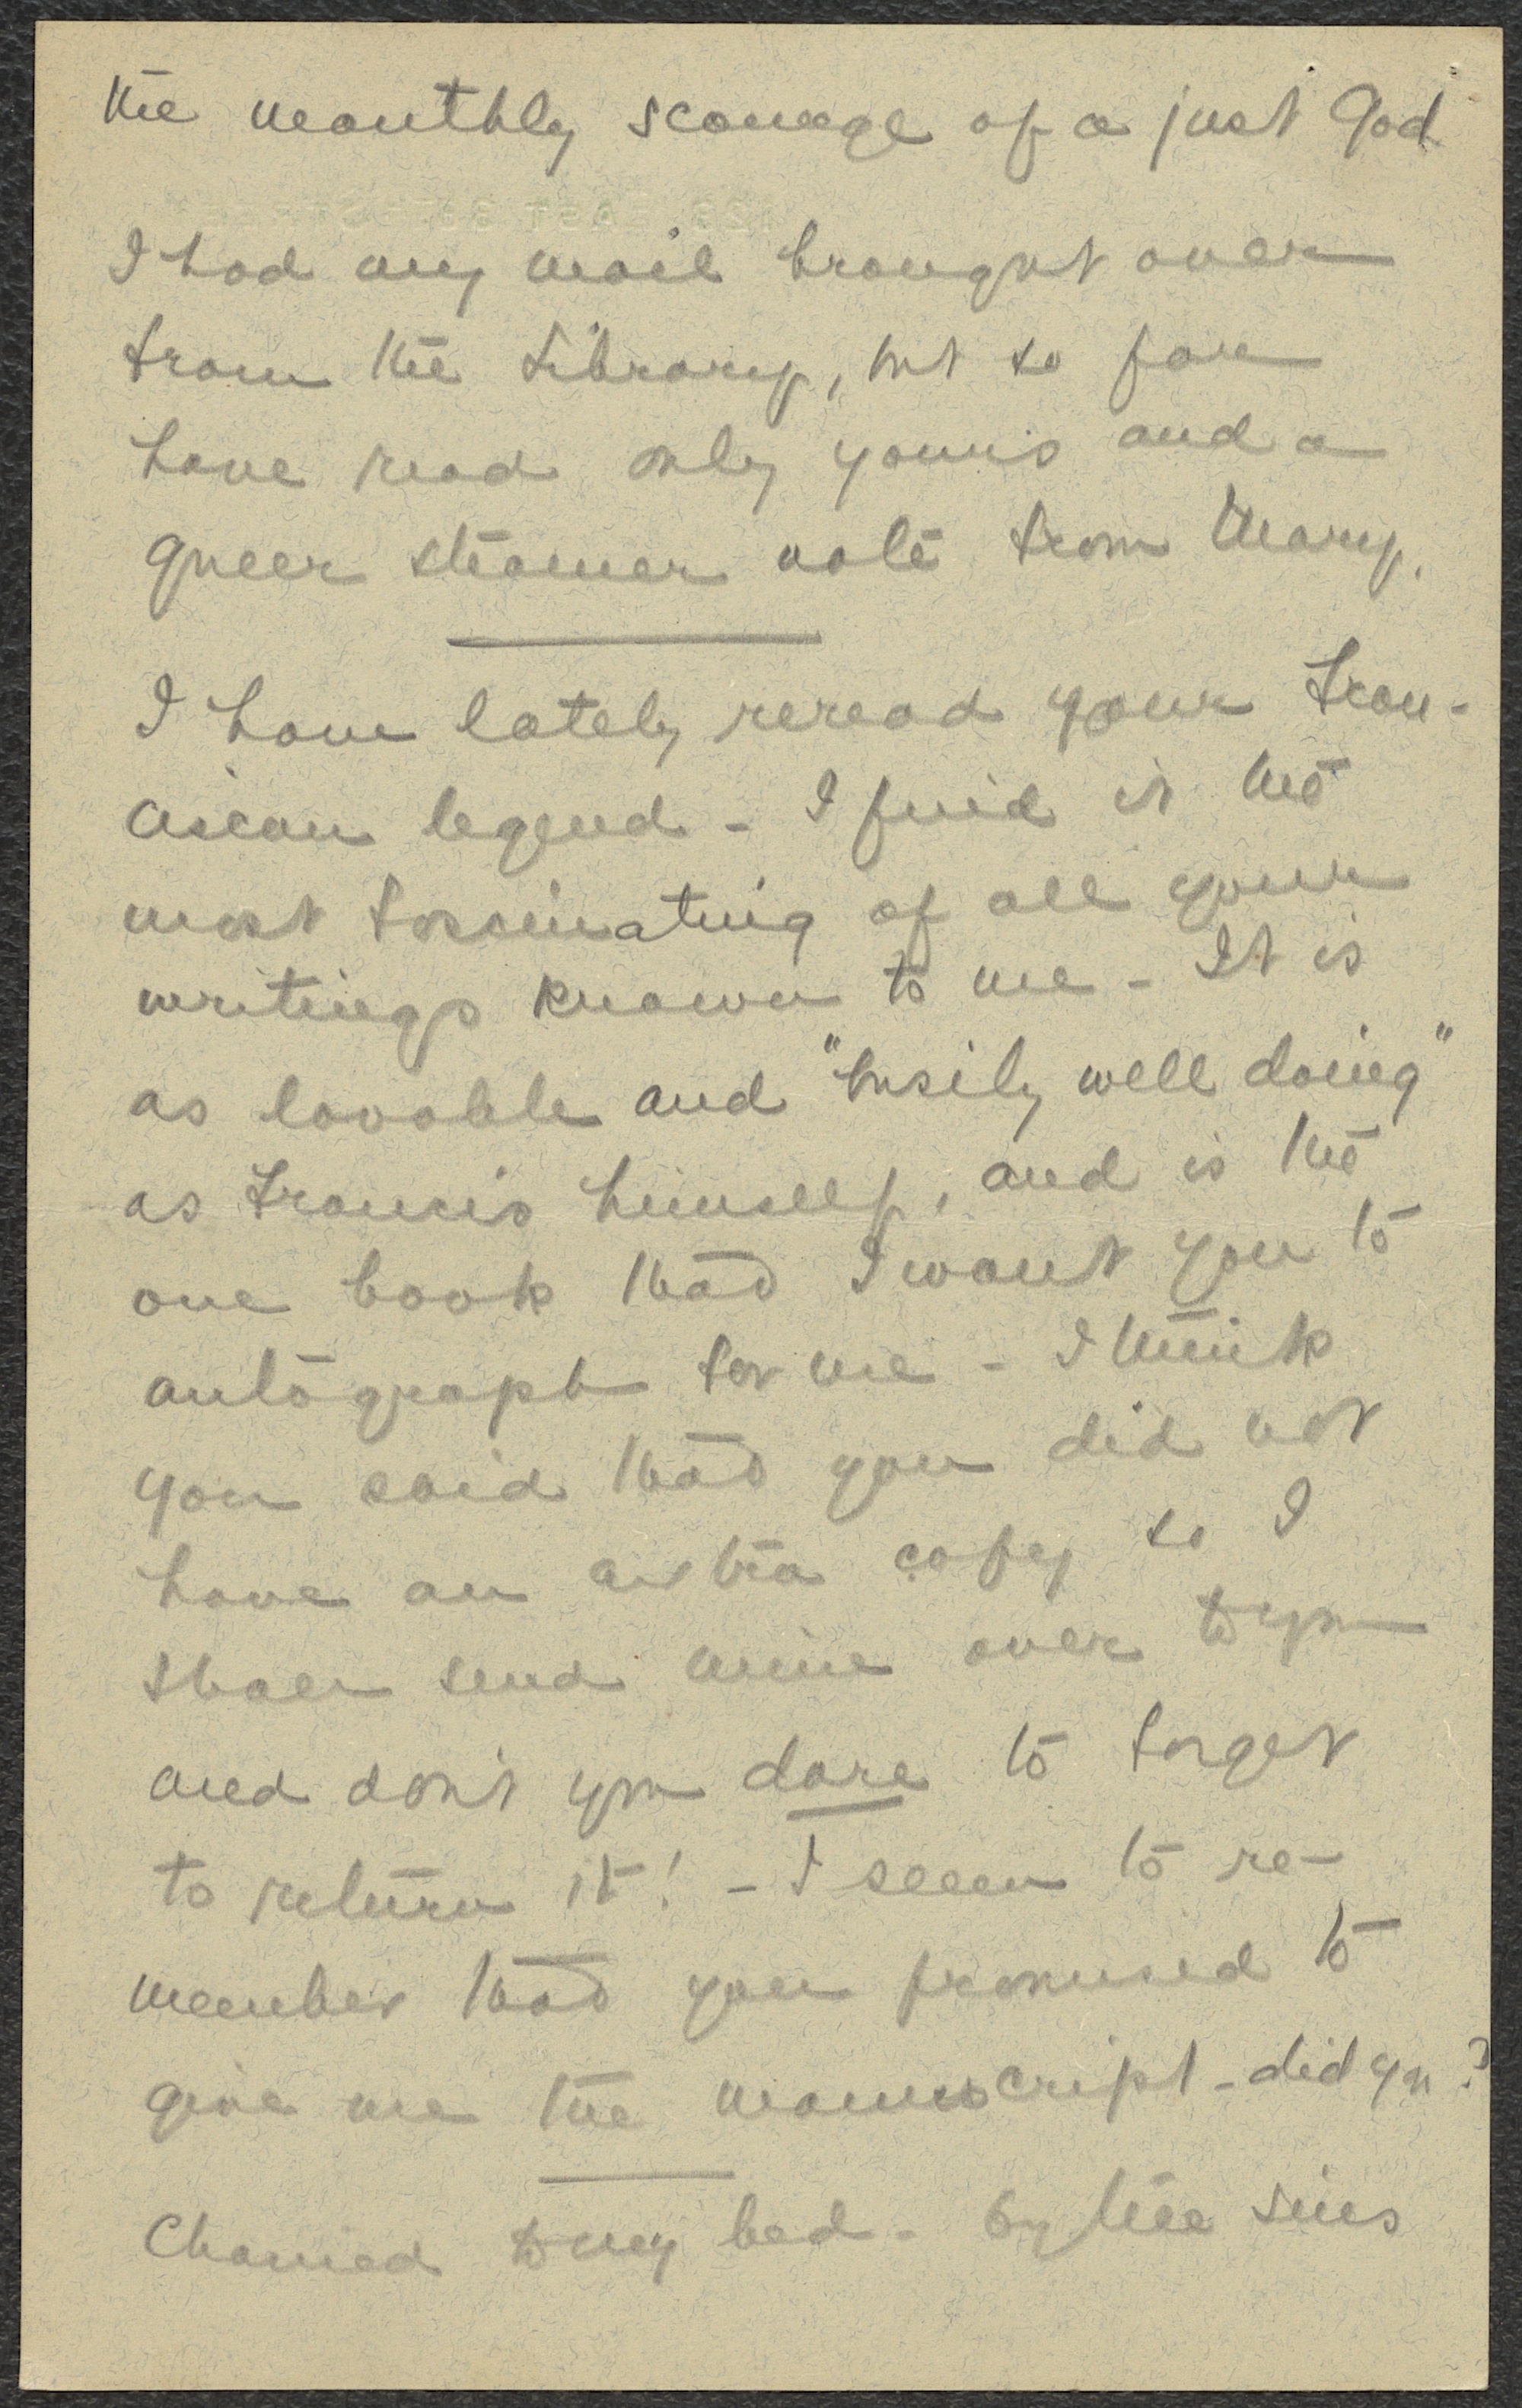the monthly scourge of a just God. I had my mail brought over from the Library, but so far have read only yours and a queer steamer note from Mary.
I how lately reread your Franciscan legend – I find it the most fascinating of all your writings known to me – It is as lovable and “busily well doing” as Francis himself, and is the one book that I want you to autograph for me – I think you said that you did not have an extra copy so I shall send mine over to you and don’t you dare to forget to return it! – I seem to remember that you promised to give me the manuscript – did you?
Chained to my bed – by the sins